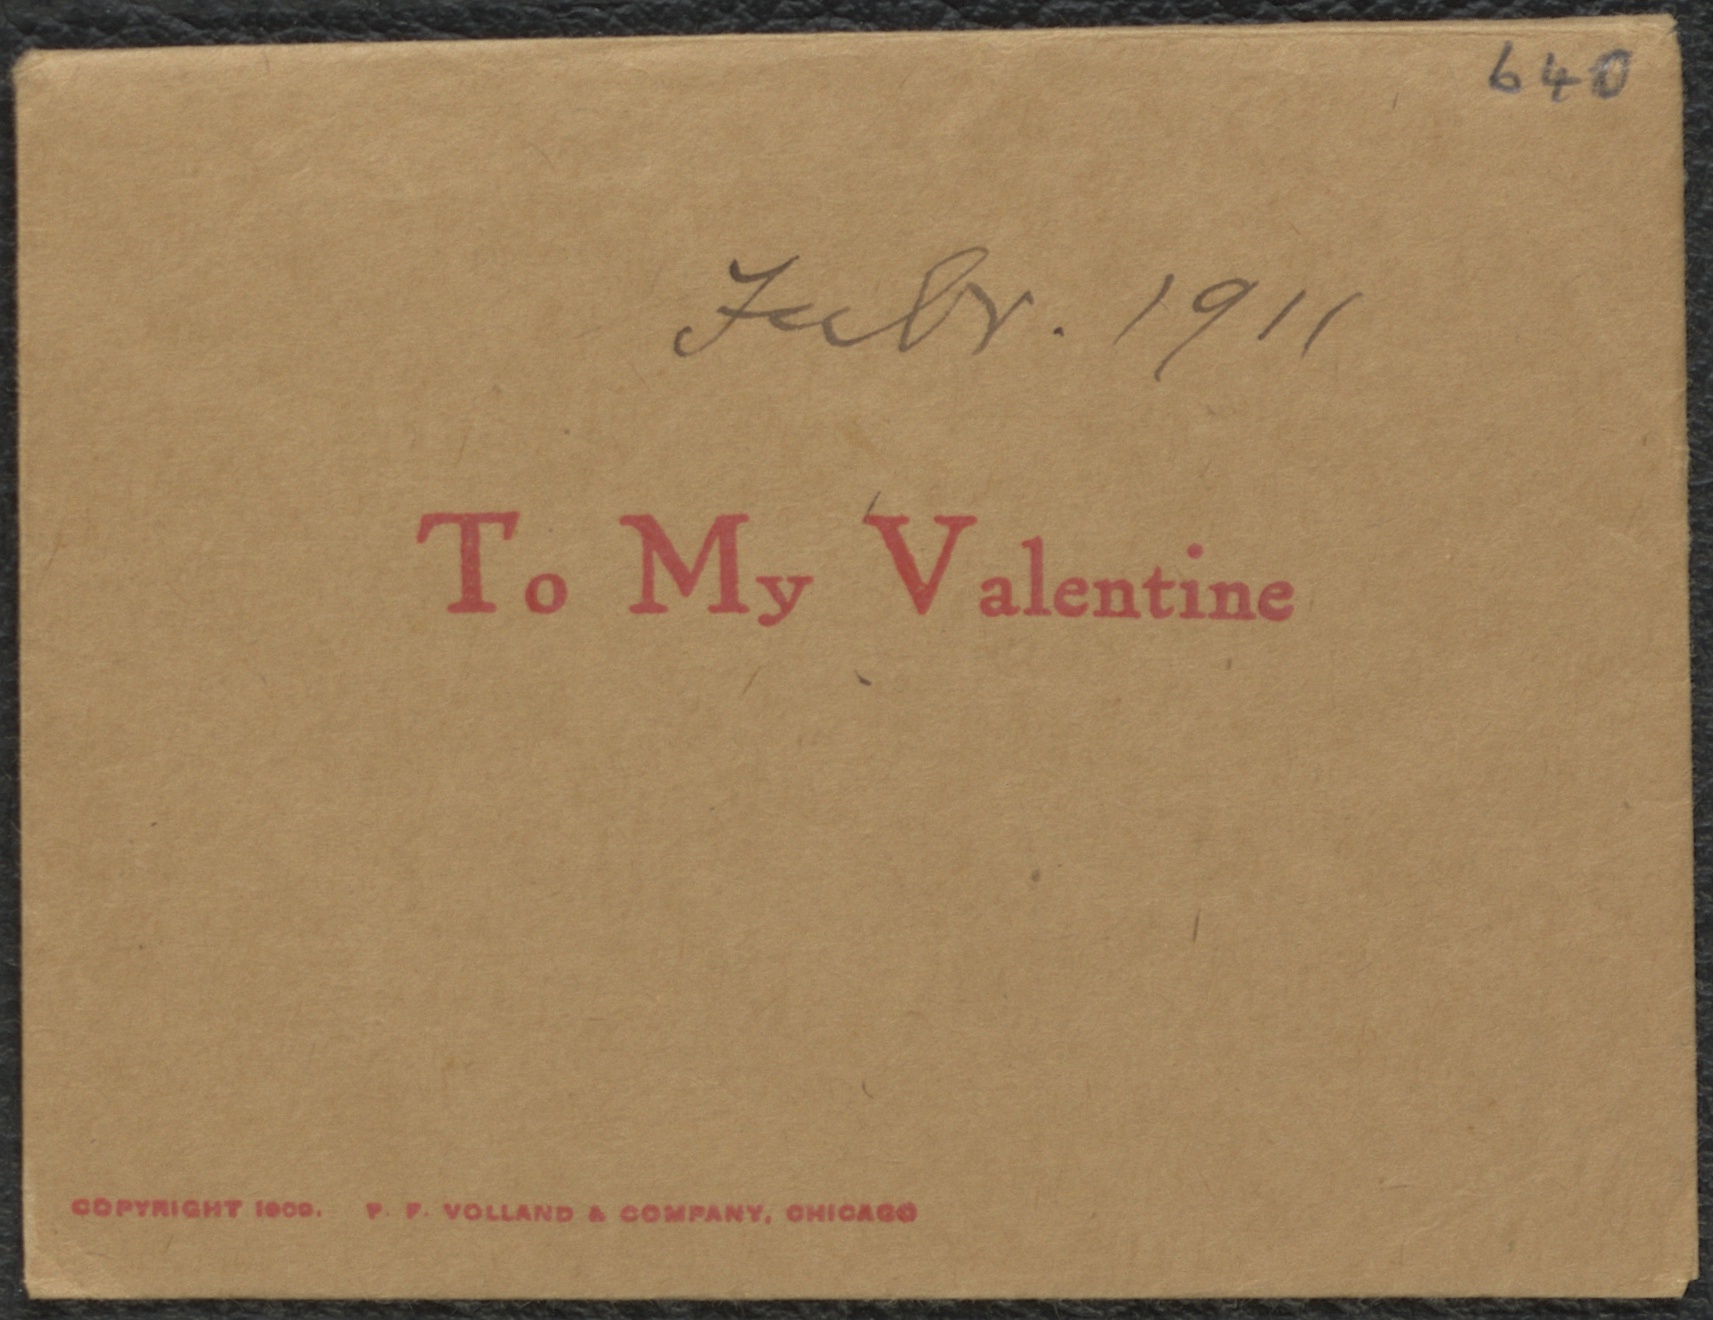[2]
Febr. 1911
[Printed in red ink:
To My Valentine
COPYRIGHT 1909. P.F. VOLLAND & COMPANY, CHICAGO